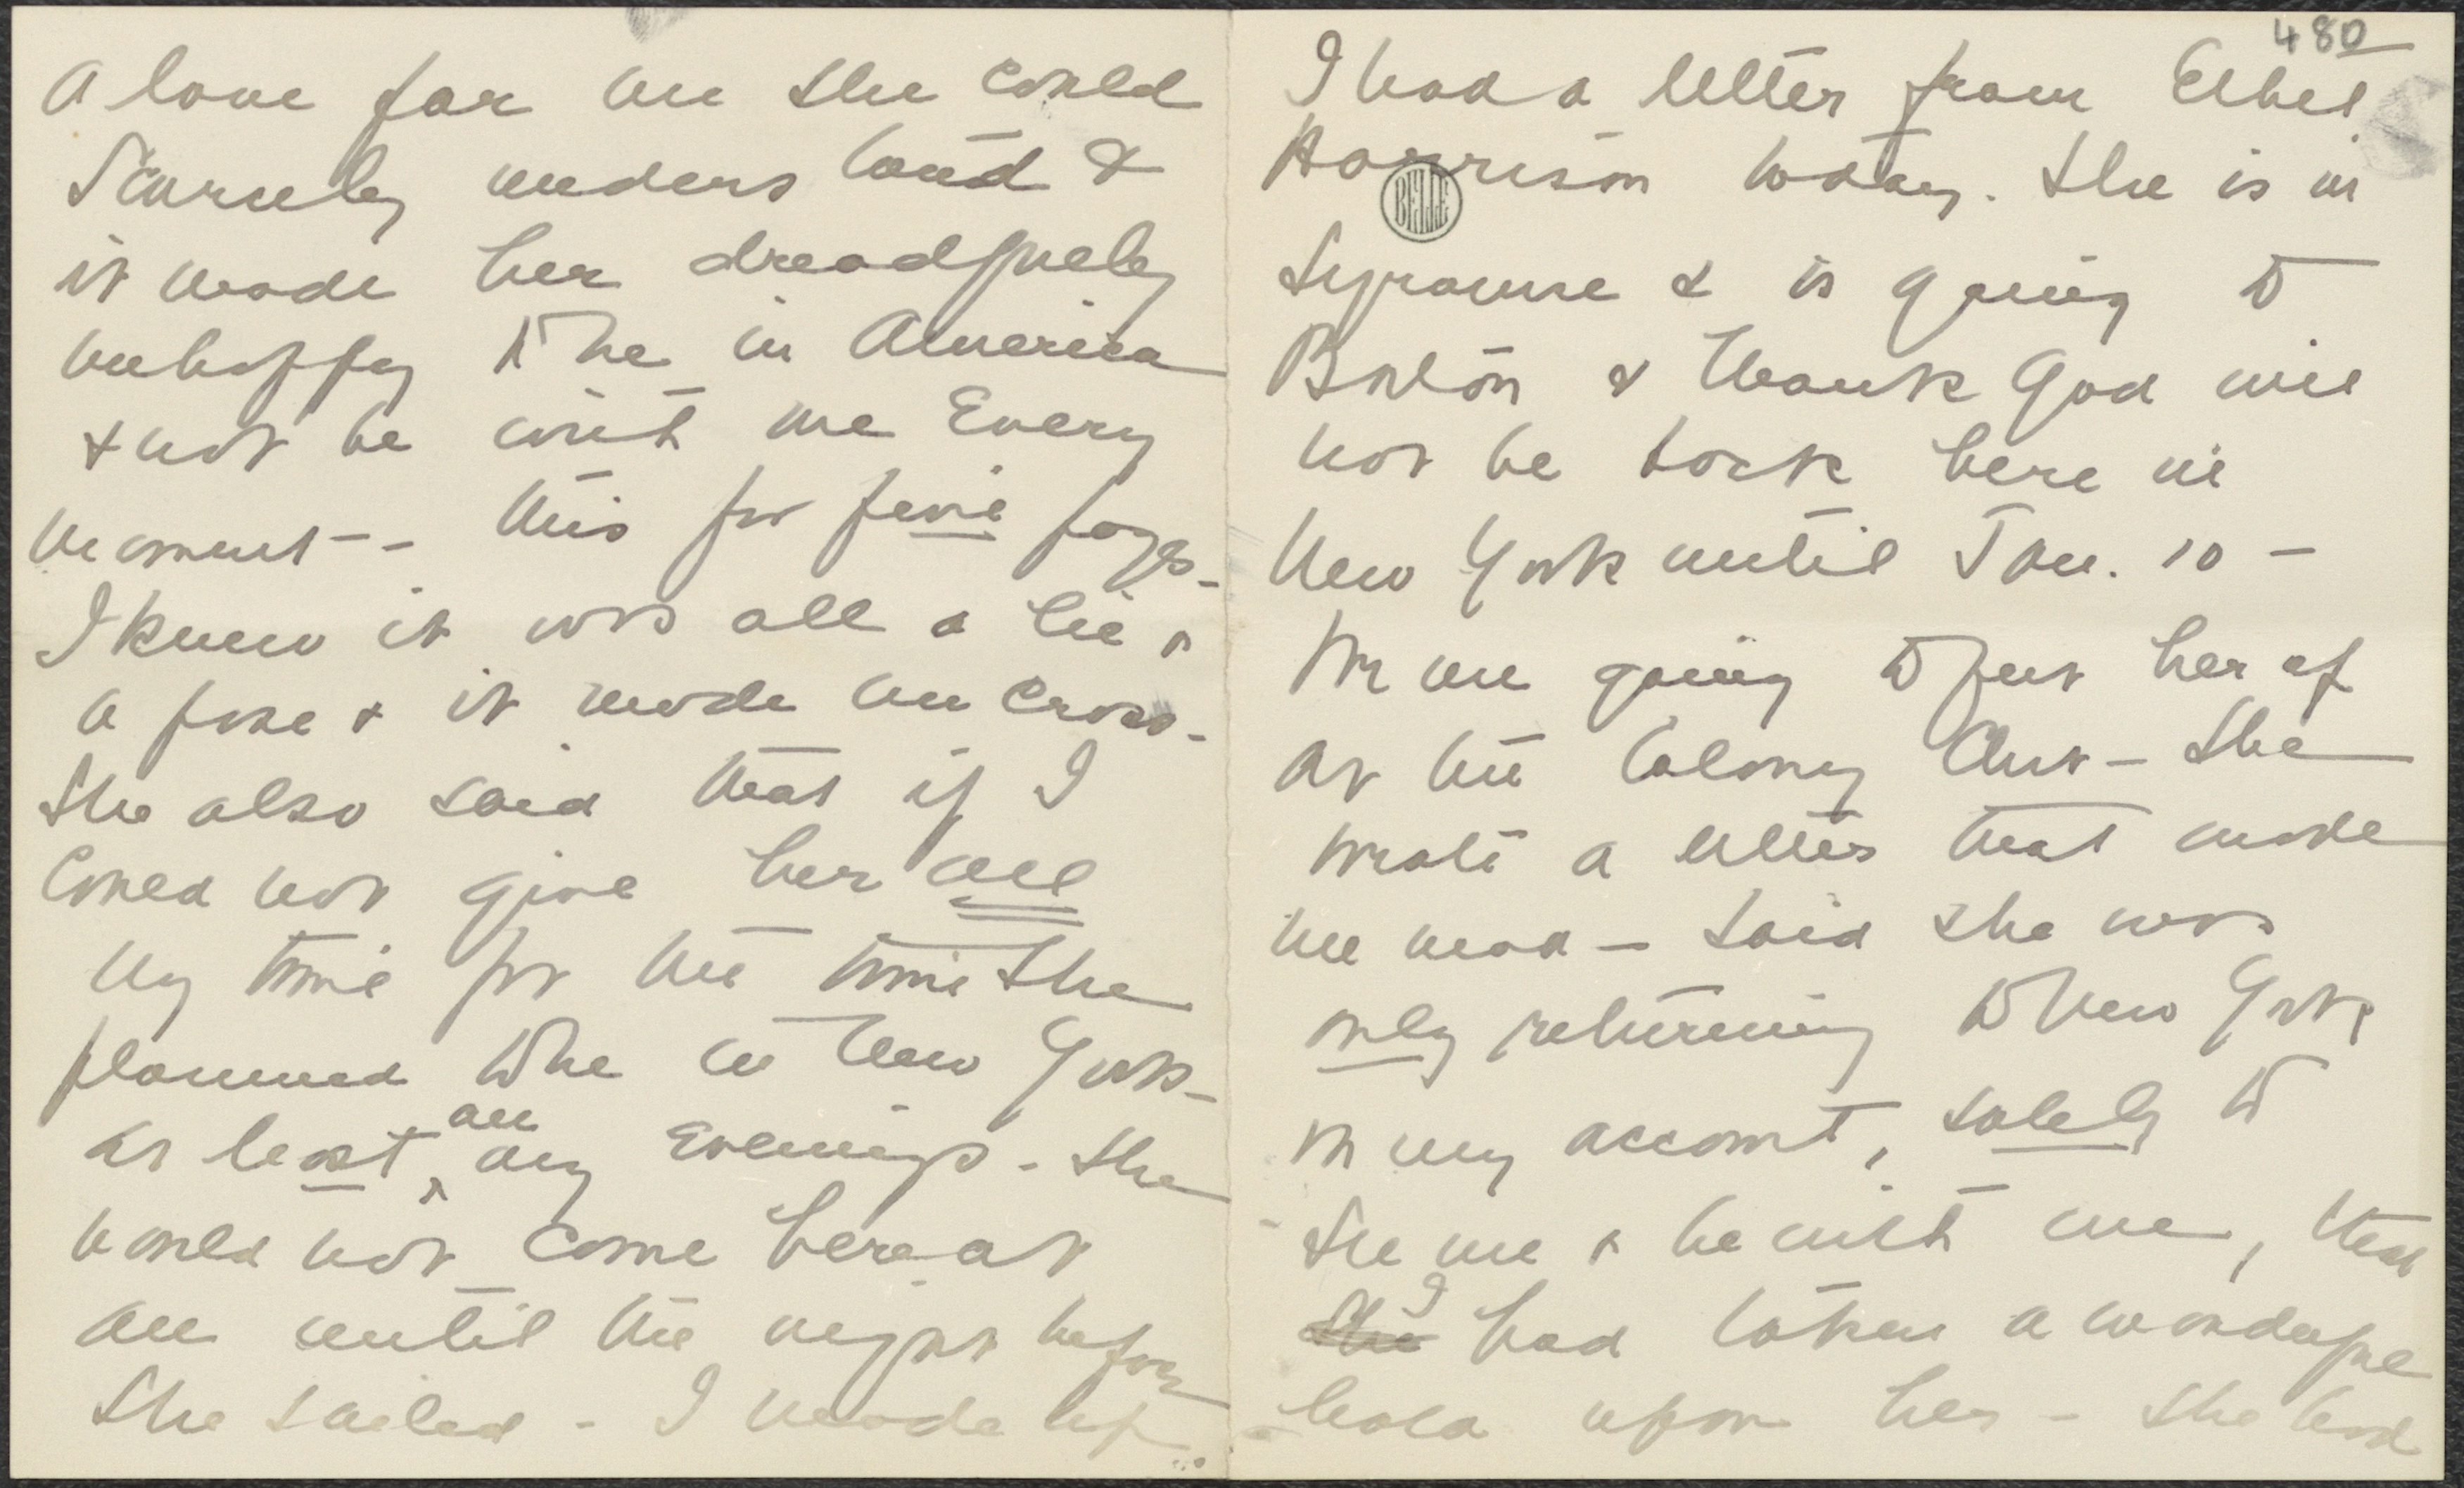I had a letter from Ethel Harrison today. She is in Syracuse & is going to Boston & Thank God will not be back here in New York until Jan. 10 – We are going to put her up at the Colony Club – She wrote a letter that made me mad – said she was only returning to New York on my account, solely to see me & be with me, that she [^I^] had taken a wonderful hold upon her – she had
a love for me she could scarcely understand & it made her dreadfully unhappy to be in America & not be with me every moment – this for five pages – I knew it was all a lie & a pose & it made me cross – she also said that if I could not give her [double underlined: all] my time for the time she planned to be in New York – at least [^all^] my evenings – she would not come here at all until the night before she sailed - I made up